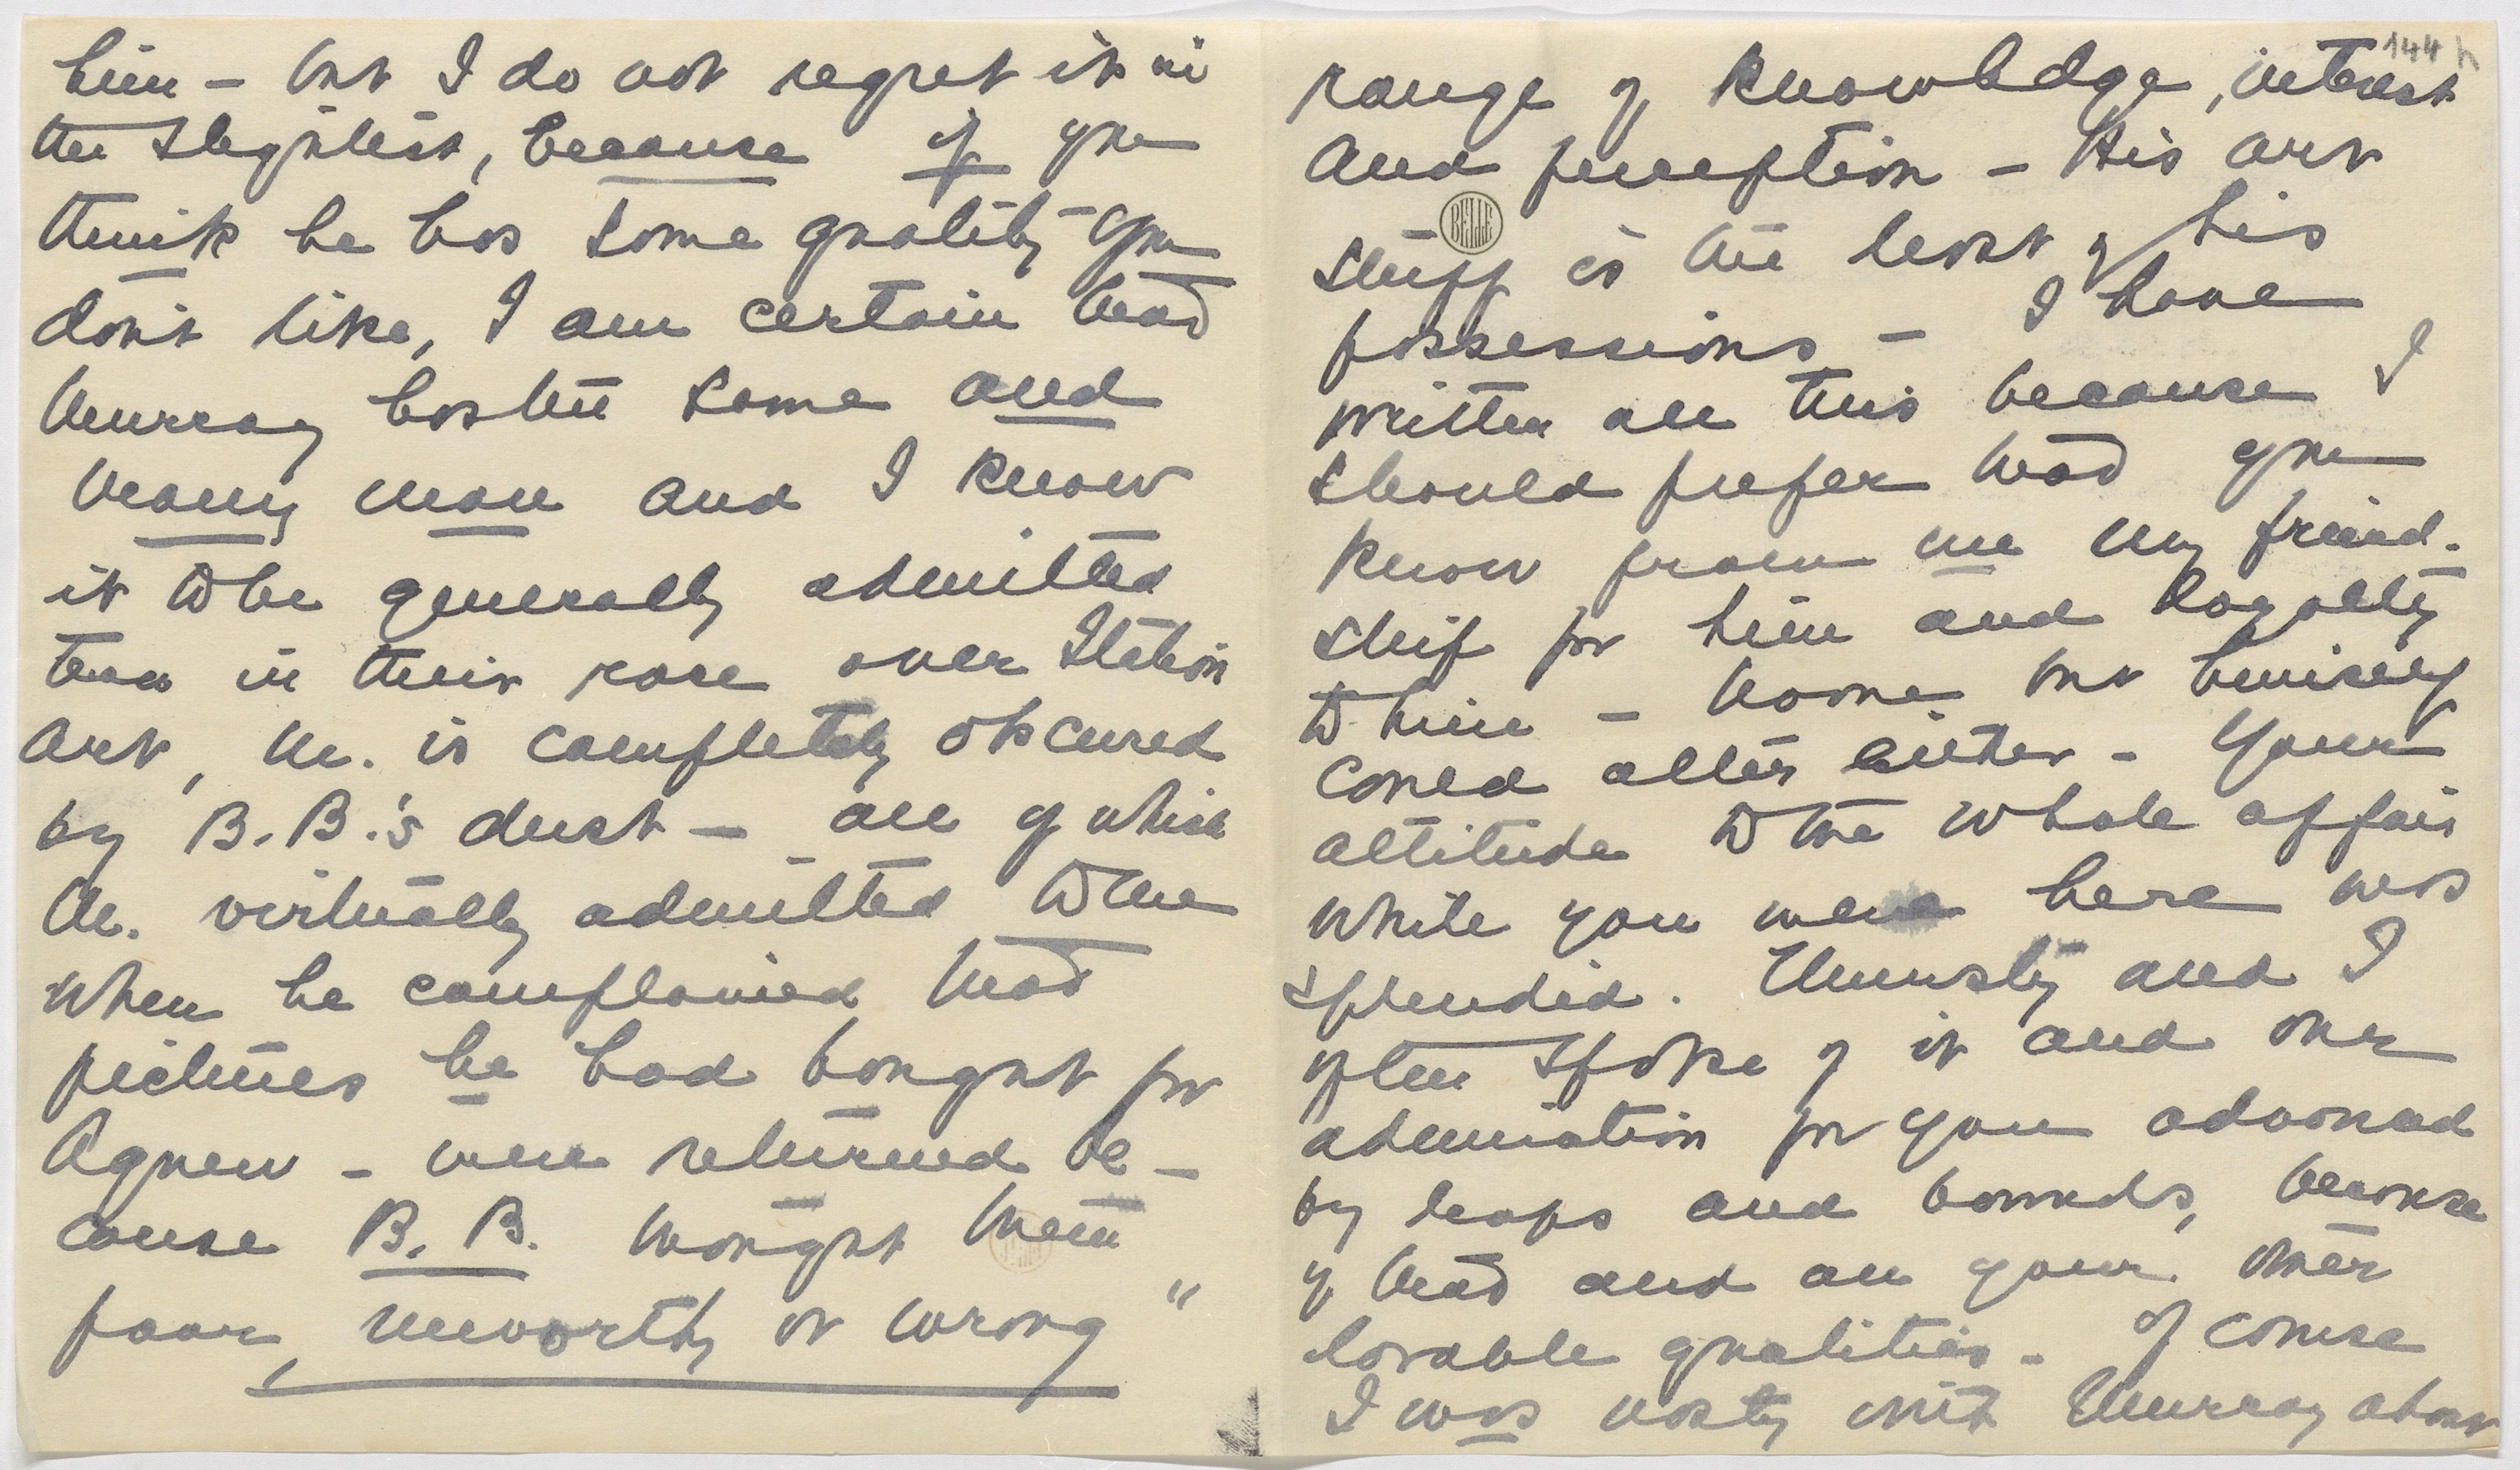range of knowledge, interest and perception – His art stuff is the least of his possessions – I have written all this because I should prefer that you know from me my friendship for him and loyalty to him – none but himself could alter either – Your attitude to the whole affair while you were here was splendid. Thursty and I often spoke of it and our admiration for you advanced by leaps and bounds, because of that and all your other lovable qualities – of course I was nasty with Murray about
him – but I do not regret it in the slightest, because if you think he has some quality you don’t like, I am certain that Murray has the same and many more and I know it to be generally admitted that in their race over Italian art, M. is completely obscured by B.B.’s dust – all of which M. virtually admitted to me when he complained that pictures he had bought for Agnew – were returned because B.B. thought them poor, unworthy or wrong.”